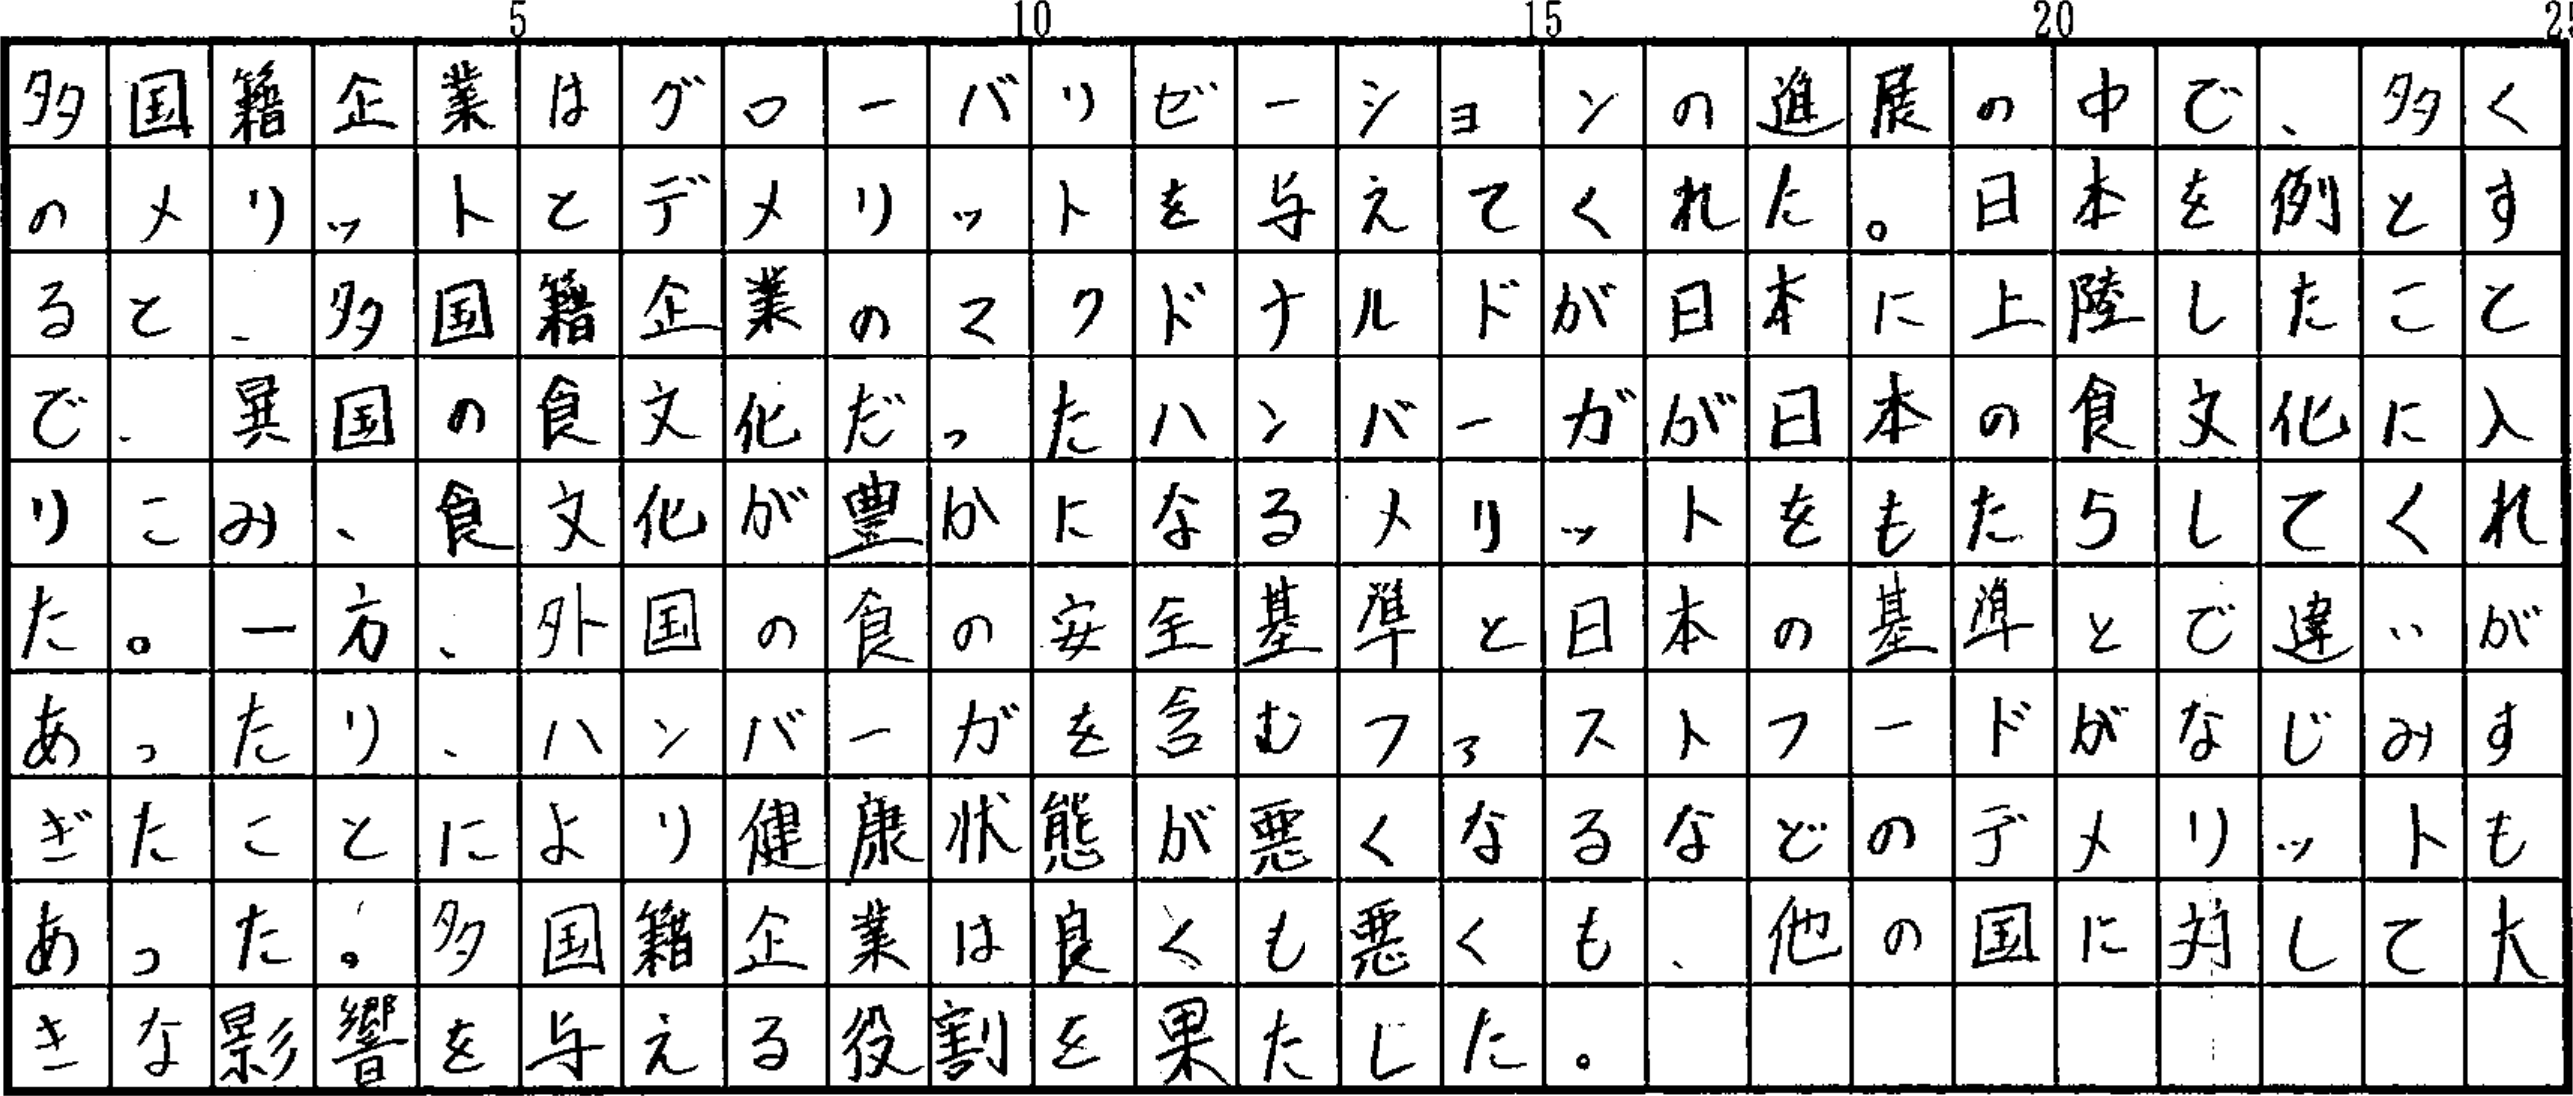多国籍企業はグローバリゼーションの進展の中で、多くのメリットとデメリットを与えてくれた。日本を例とすると、多国籍企業のマクドナルドが日本に上陸したことで、異国の食文化だったハンバーガが日本の食文化に入りこみ、食文化が豊かになるメリットをもたらしてくれた。一方、外国の食の安全基準と日本の基準とで違いがあったり、ハンバーガを含むファストフードがなじみすぎたことにより健康状態が悪くなるなどのデメリットもあった。多国籍企業は良くも悪くも、他の国に対して大きな影響を与える役割を果たした。
